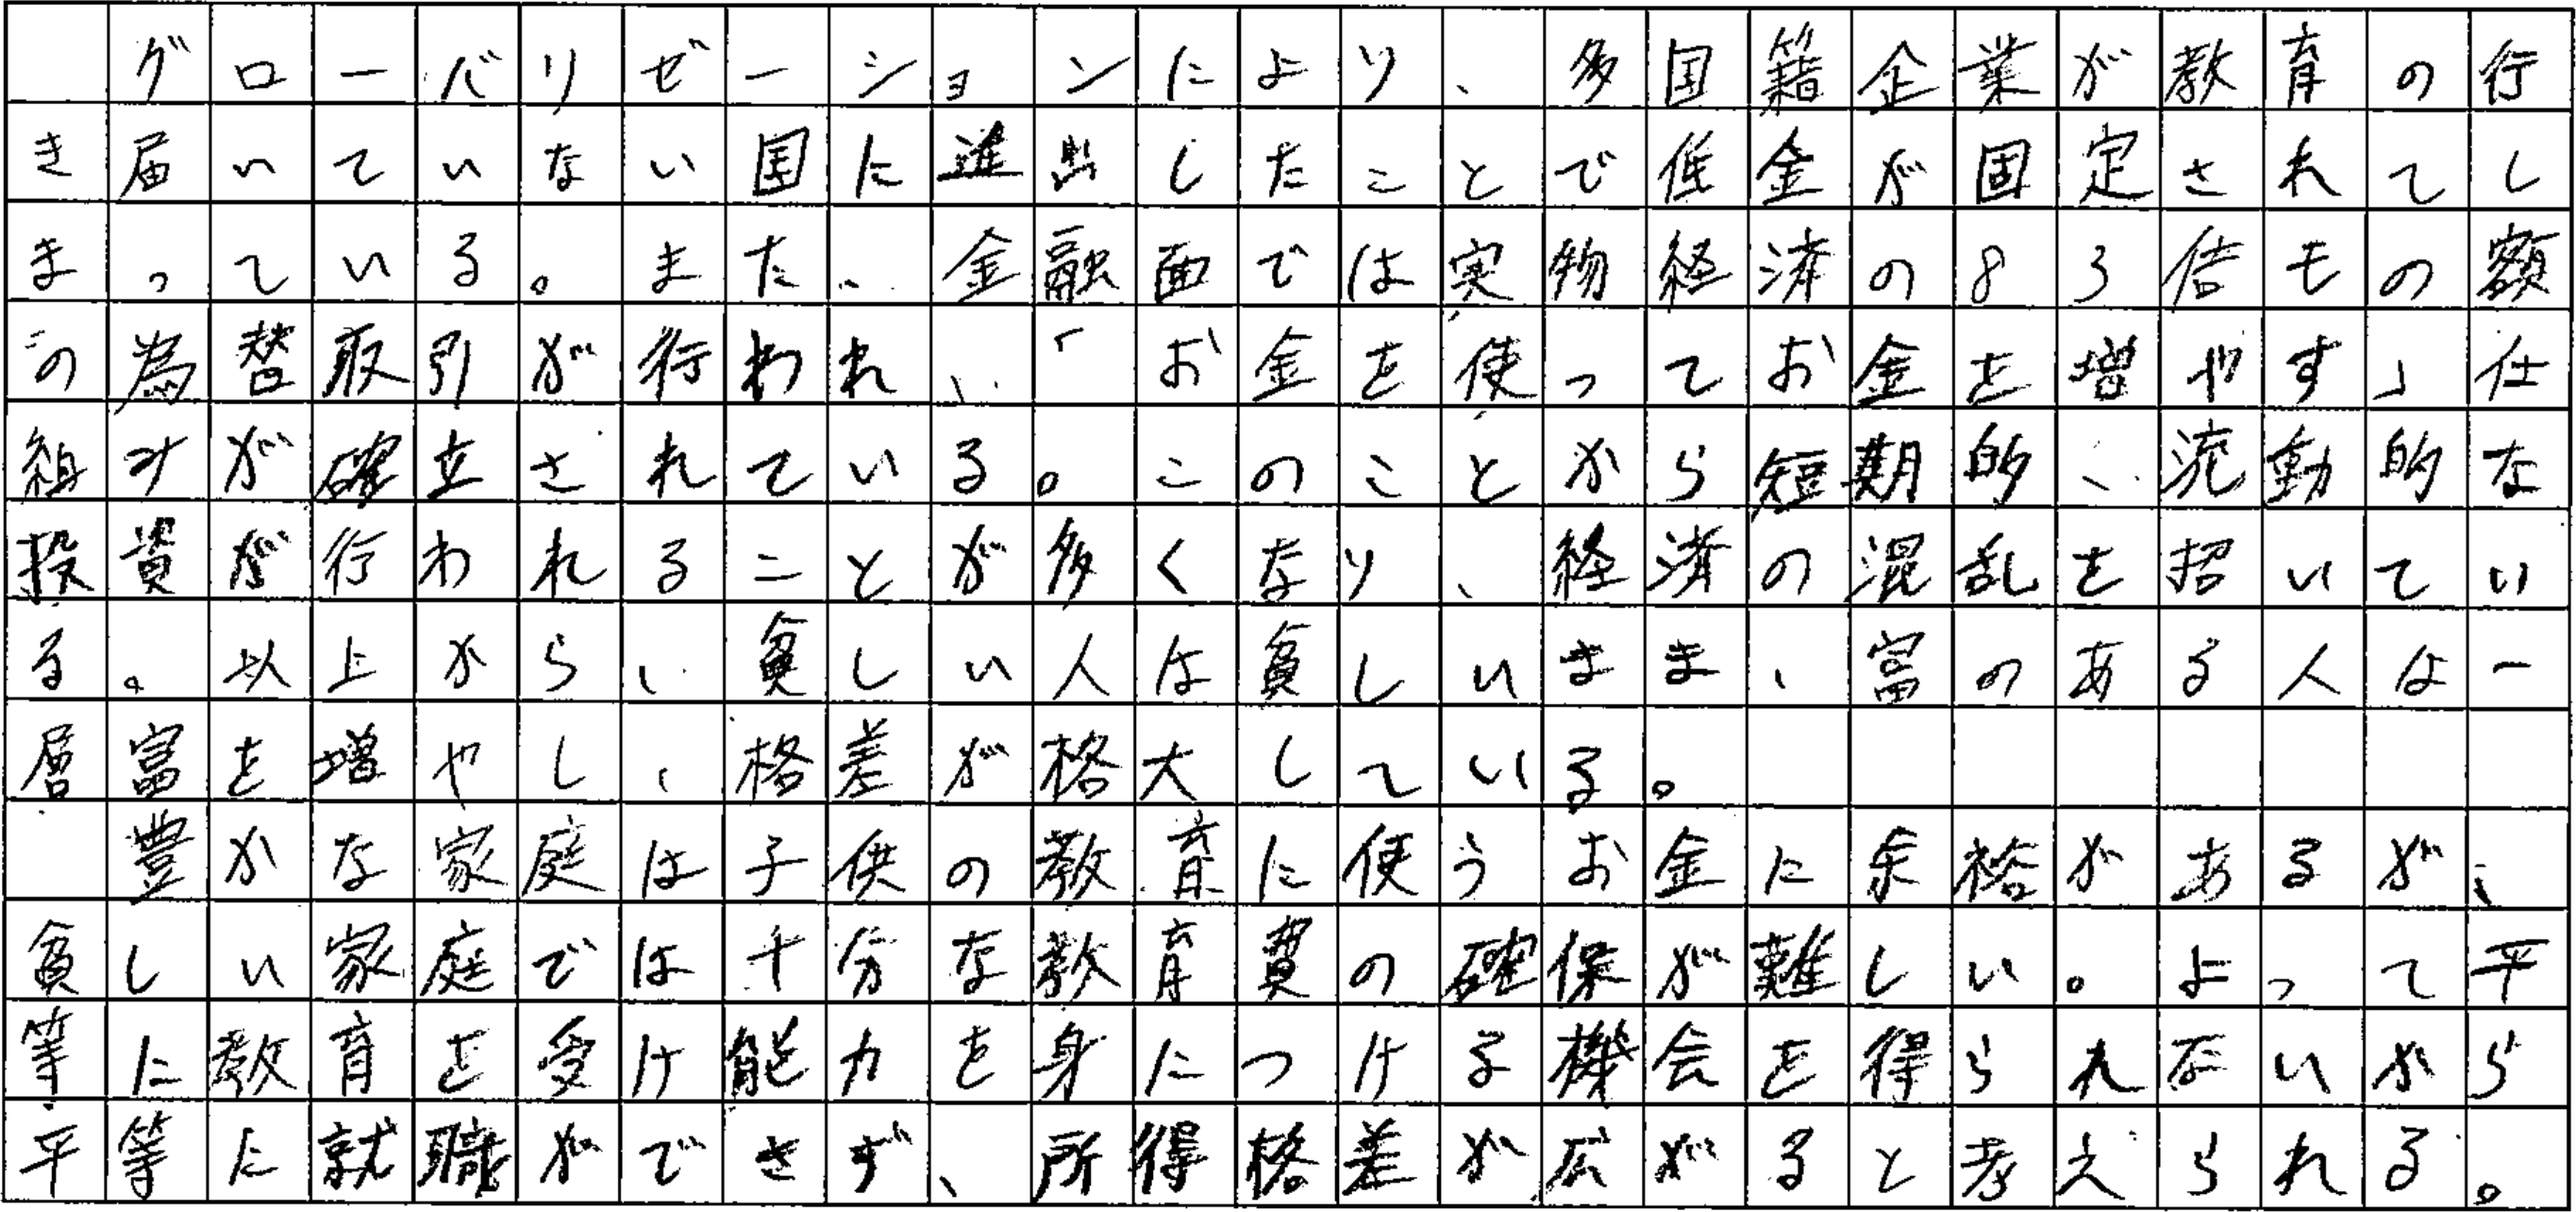　グローバリゼーションにより、多国籍企業が教育の行き届いていない国に進出したことで低金が固定されてしまっている。また、金融面では実物経済の８３倍もの額の為替取引が行われ、「お金を使ってお金を増やす」仕組みが確立されている。このことから短期的、流動的な投資が行われることが多くなり、経済の混乱を招いている。以上から、貧しい人は貧しいまま、富のある人は一層富を増やし、格差が格大している。
　豊かな家庭は子供の教育に使うお金に余裕があるが、貧しい家庭では十分な教育費の確保が難しい。よって平等に教育を受け能力を身につける機会を得られないから平等に就職ができず、所得格差が広がると考えられる。
